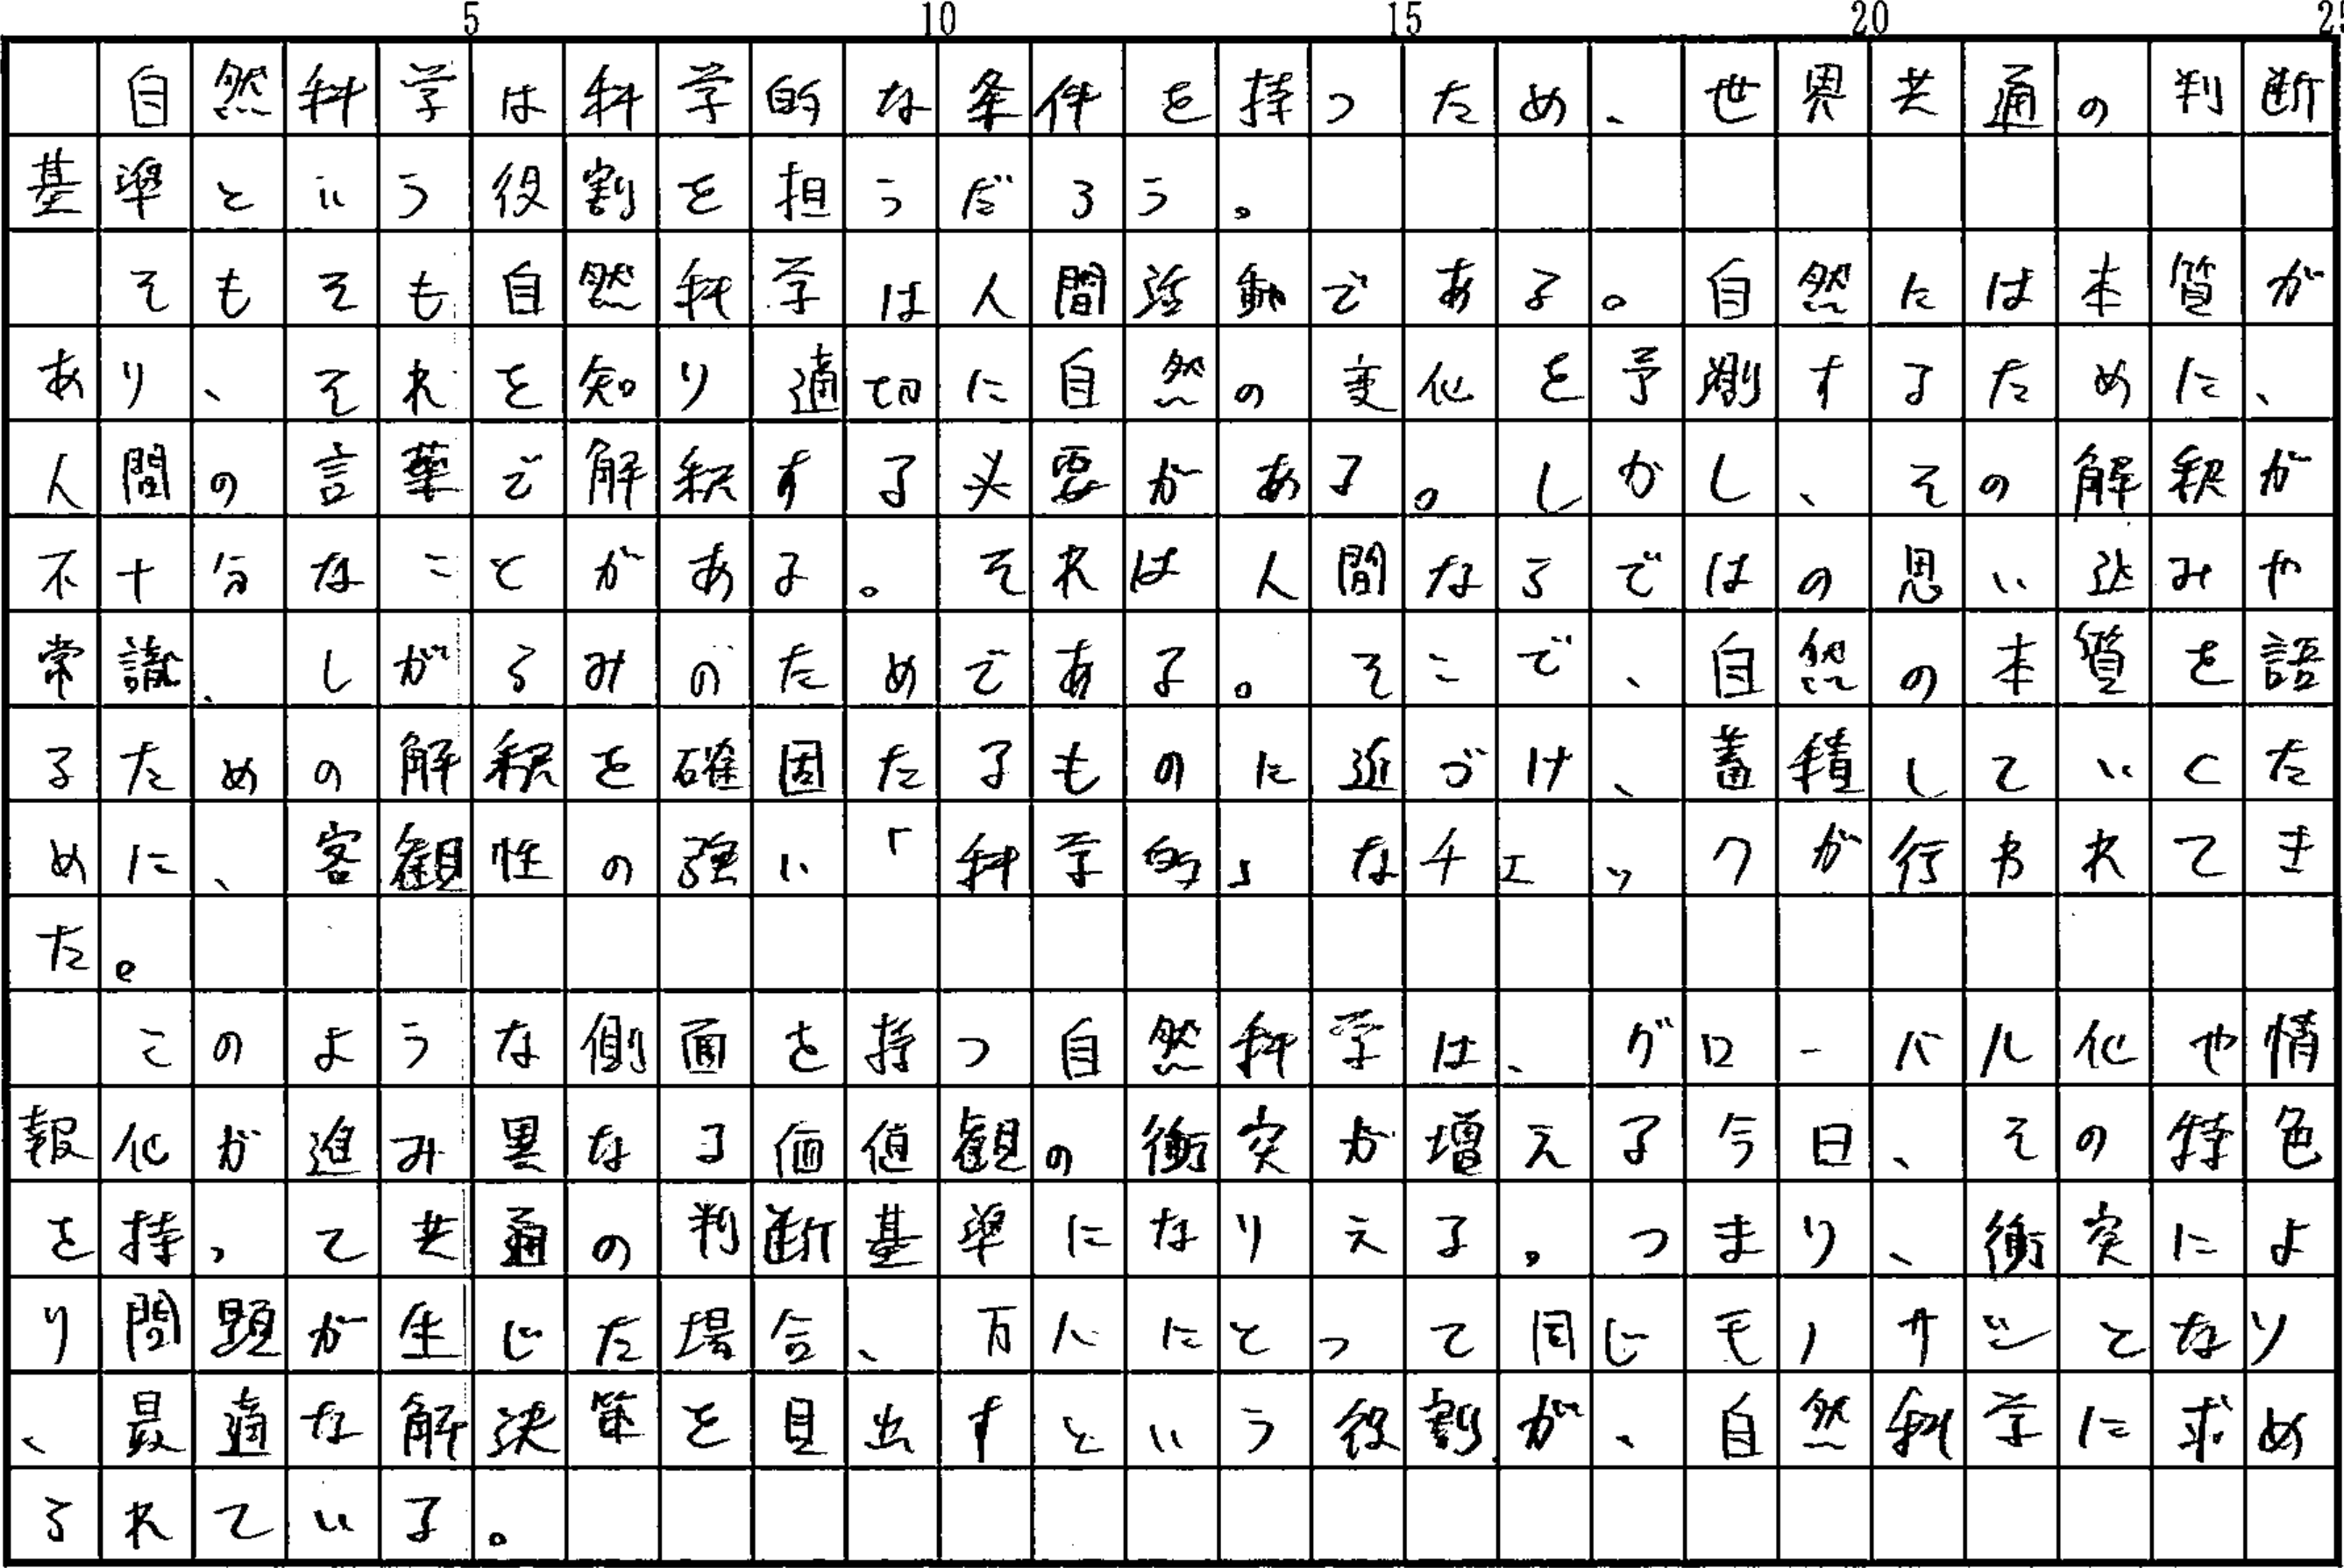　自然科学は科学的な条件を持つため、世界共通の判断基準という役割を担うだろう。
　そもそも自然科学は人間活動である。自然には本質があり、それを知り適切に自然の変化を予測するために、人間の言葉で解釈する必要がある。しかし、その解釈が不十分なことがある。それは人間ならではの思い込みや常識、しがらみのためである。そこで、自然の本質を語るための解釈を確固たるものに近づけ、蓄積していくために、客観性の強い「科学的」なチェックが行われてきた。
　このような側面を持つ自然科学は、グローバル化や情報化が進み異なる価値観の衝突が増える今日、その特色を持って共通の判断基準になりえる。つまり、衝突により問題が生じた場合、万人にとって同じモノサシとなり、最適な解決策を見出すという役割が、自然科学に求められている。
